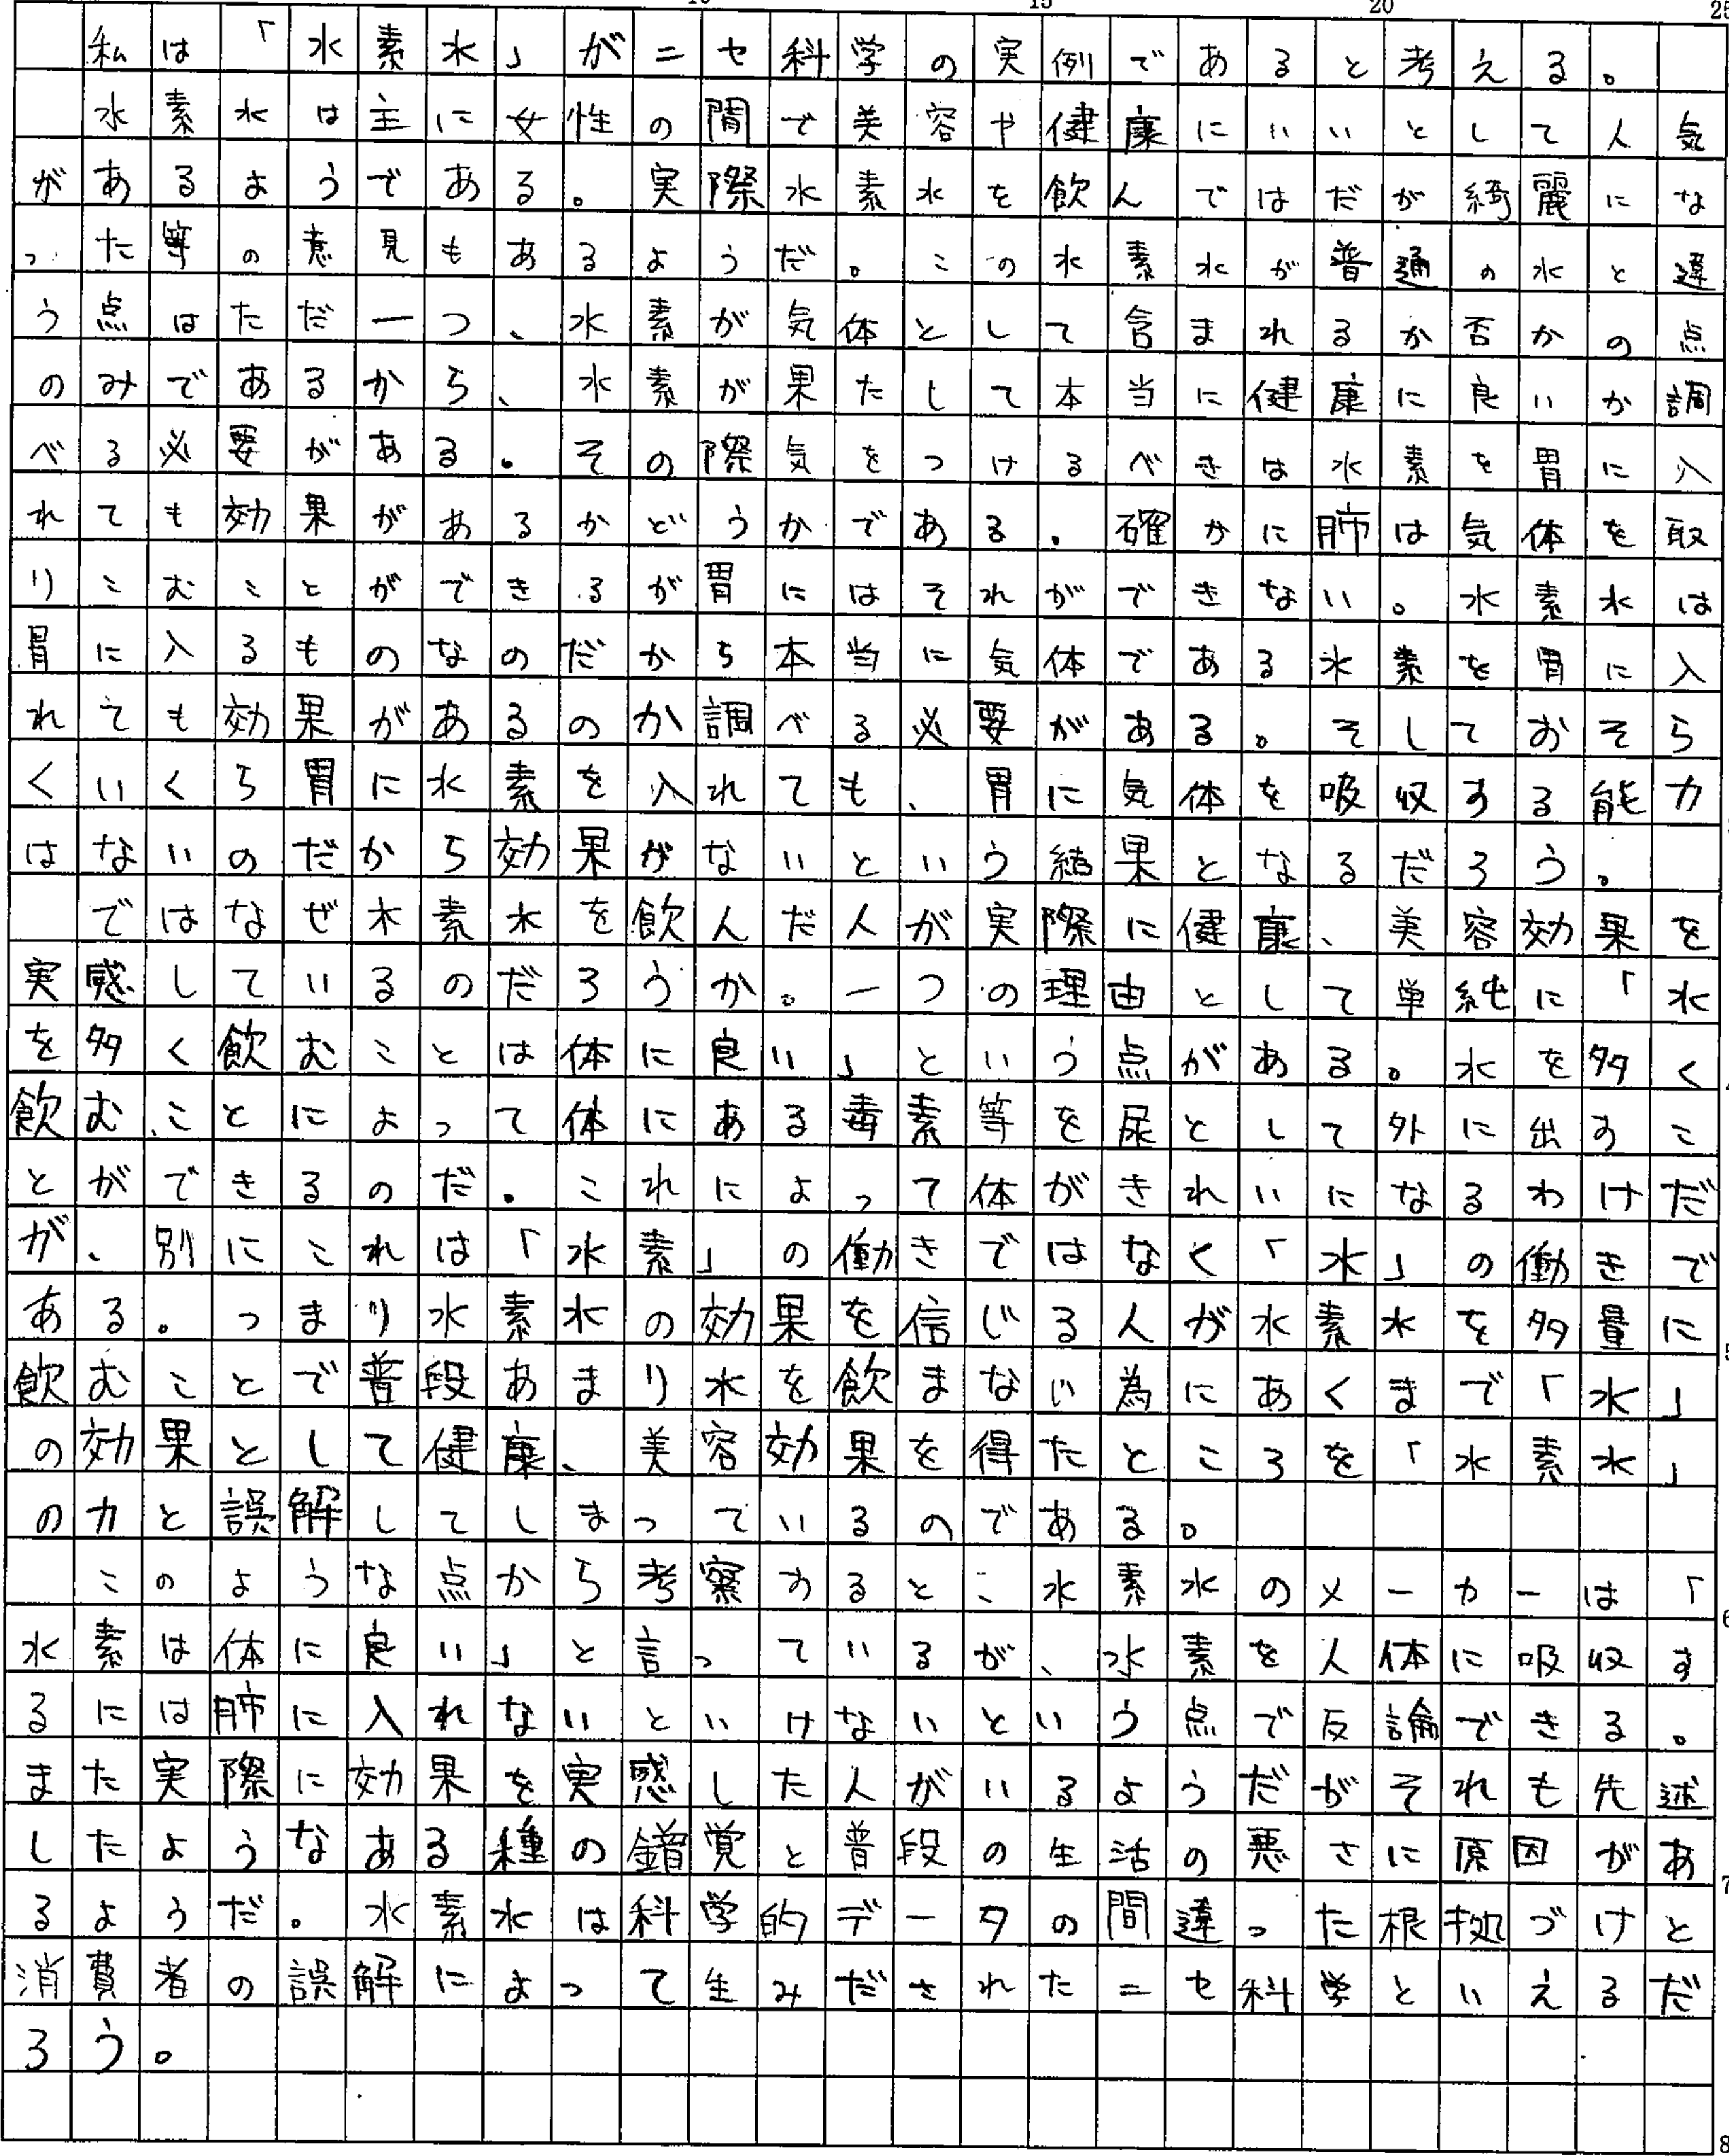　私は「水素水」がニセ科学の実例であると考える。
　水素水は主に女性の間で美容や健康にいいとして人気があるようである。実際水素水を飲んではだが綺麗になった等の意見もあるようだ。この水素水が普通の水と違う点はただ一つ、水素が気体として含まれるか否かの点のみであるから、水素が果たして本当に健康に良いか調べる必要がある。その際気をつけるべきは水素を胃に入れても効果があるかどうかである。確かに肺は気体を取りこむことができるが胃にはそれができない。水素水は胃に入るものなのだから本当に気体である水素を胃に入れても効果があるのか調べる必要がある。そしておそらくいくら胃に水素を入れても、胃に気体を吸収する能力はないのだから効果がないという結果となるだろう。
　ではなぜ水素水を飲んだ人が実際に健康、美容効果を実感しているのだろうか。一つの理由として単純に「水を多く飲むことは体に良い」という点がある。水を多く飲むことによって体にある毒素等を尿として外に出すことができるのだ。これによって体がきれいになるわけだが、別にこれは「水素」の働きではなく「水」の働きである。つまり水素水の効果を信じる人が水素水を多量に飲むことで普段あまり水を飲まない為にあくまで「水」の効果として健康、美容効果を得たところを「水素水」の力と誤解してしまっているのである。
　このような点から考察すると、水素水のメーカーは「水素は体に良い」と言っているが、水素を人体に吸収するには肺に入れないといけないという点で反論できる。また実際に効果を実感した人がいるようだがそれも先述したようなある種の▁覚と普段の生活の悪さに原因があるようだ。水素水は科学的データの間違った根拠づけと消費者の誤解によって生みだされたニセ科学といえるだろう。
